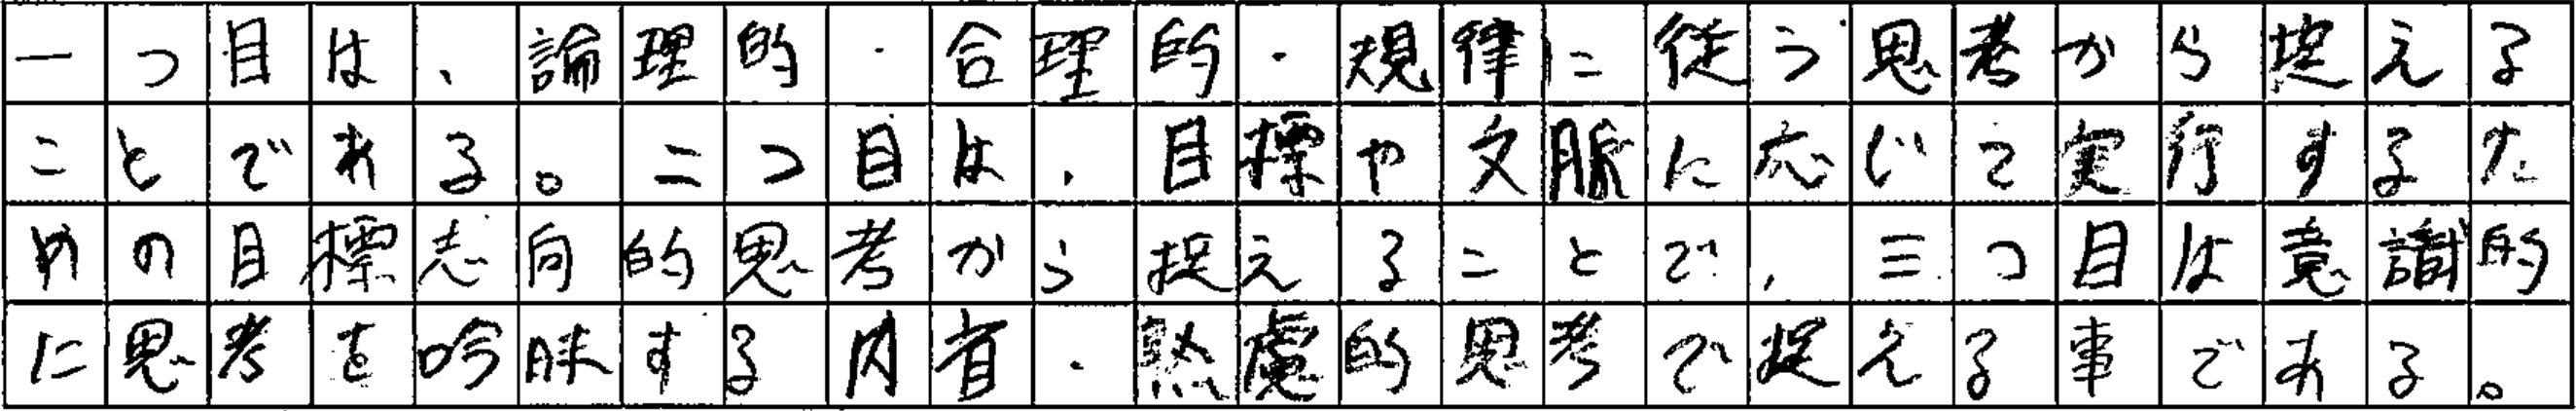一つ目は、論理的・合理的・規律に従う思考から捉えることである。二つ目は、目標や文脈に応じて実行するための目標志向的思考から捉えることで、三つ目は意識的に思考を吟味する内省・熟慮的思考で捉える事である。
